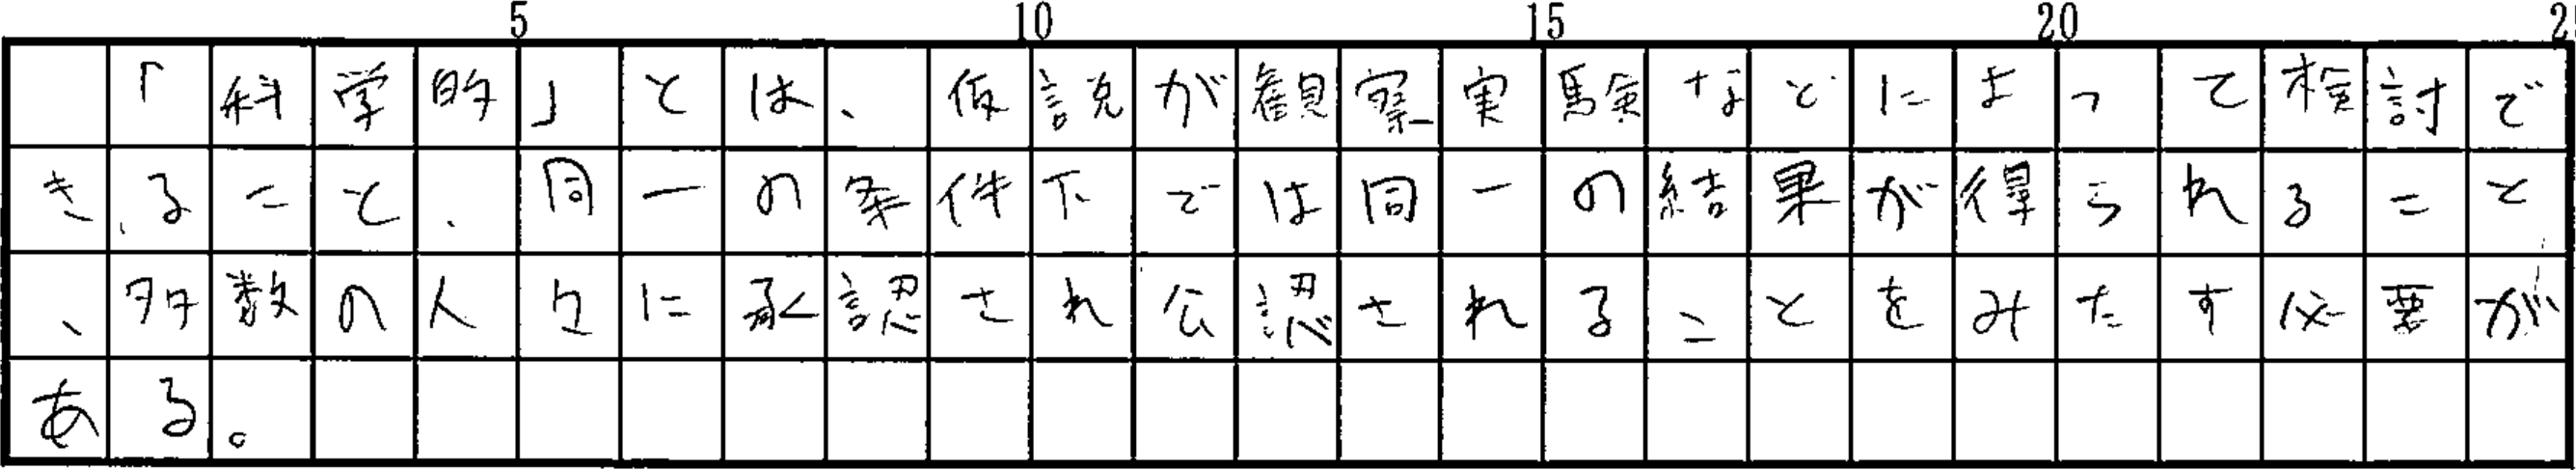　「科学的」とは、仮説が観察実験などによって検討できること、同一の条件下では同一の結果が得られること、多数の人々に承認され公認されることをみたす必要がある。
